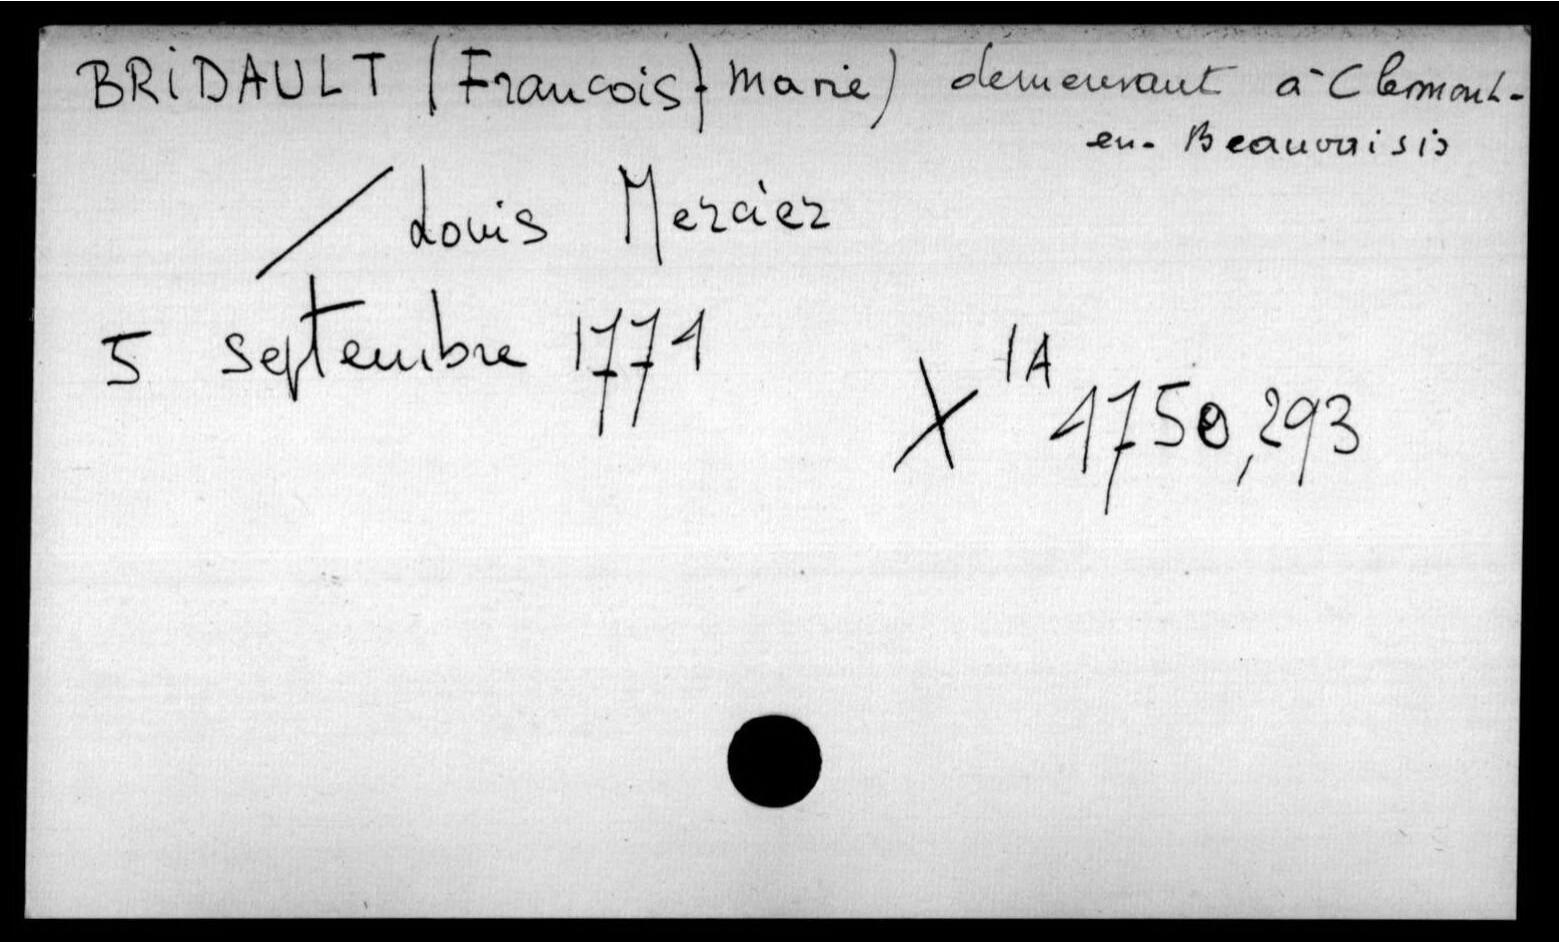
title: BRIDAULT (François-Marie) demeurant à Clermont en-Beauvaisis
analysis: Contre Louis Mercier
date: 5 septembre 1774
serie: X1A
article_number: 4750
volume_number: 293
